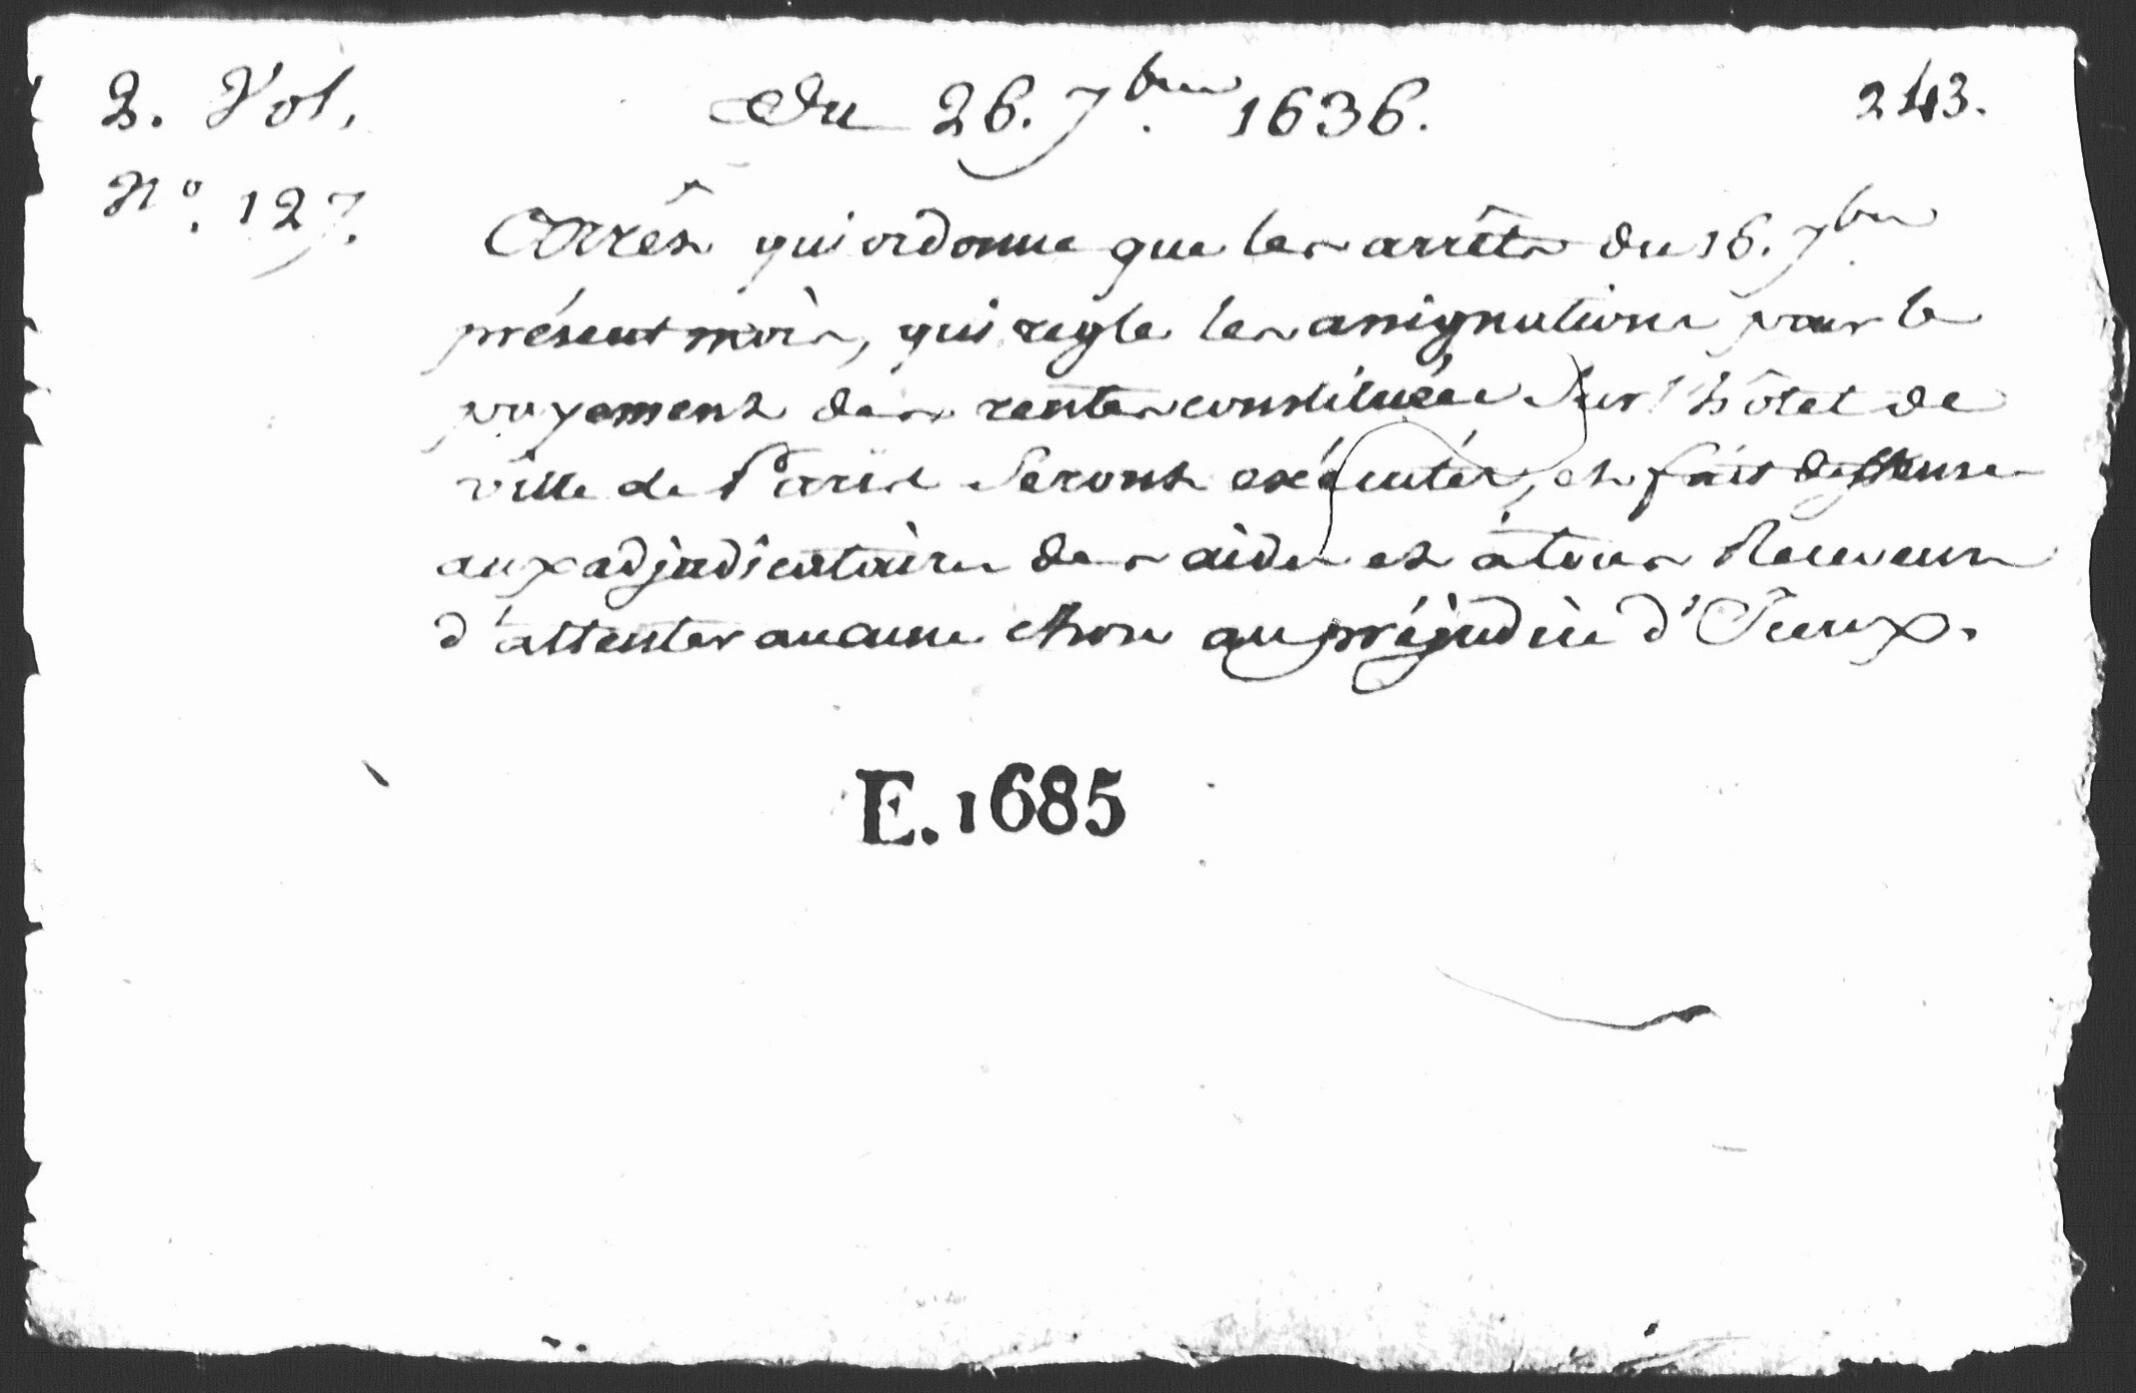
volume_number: n°127
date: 26 septembre 1636
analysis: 243
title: Arrêt qui ordonne que les arrêts du 16. 7.bre présent mois, qui regle les assignations pour le payement des rentes constituées sur l'hôtel de ville de Paris seront exécutés, et fait deffenses aux adjudicataires des aides et à tous receveurs d'attenter aucune chose au préjudice d'iceux.
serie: E
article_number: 1685
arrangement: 2. vol.
